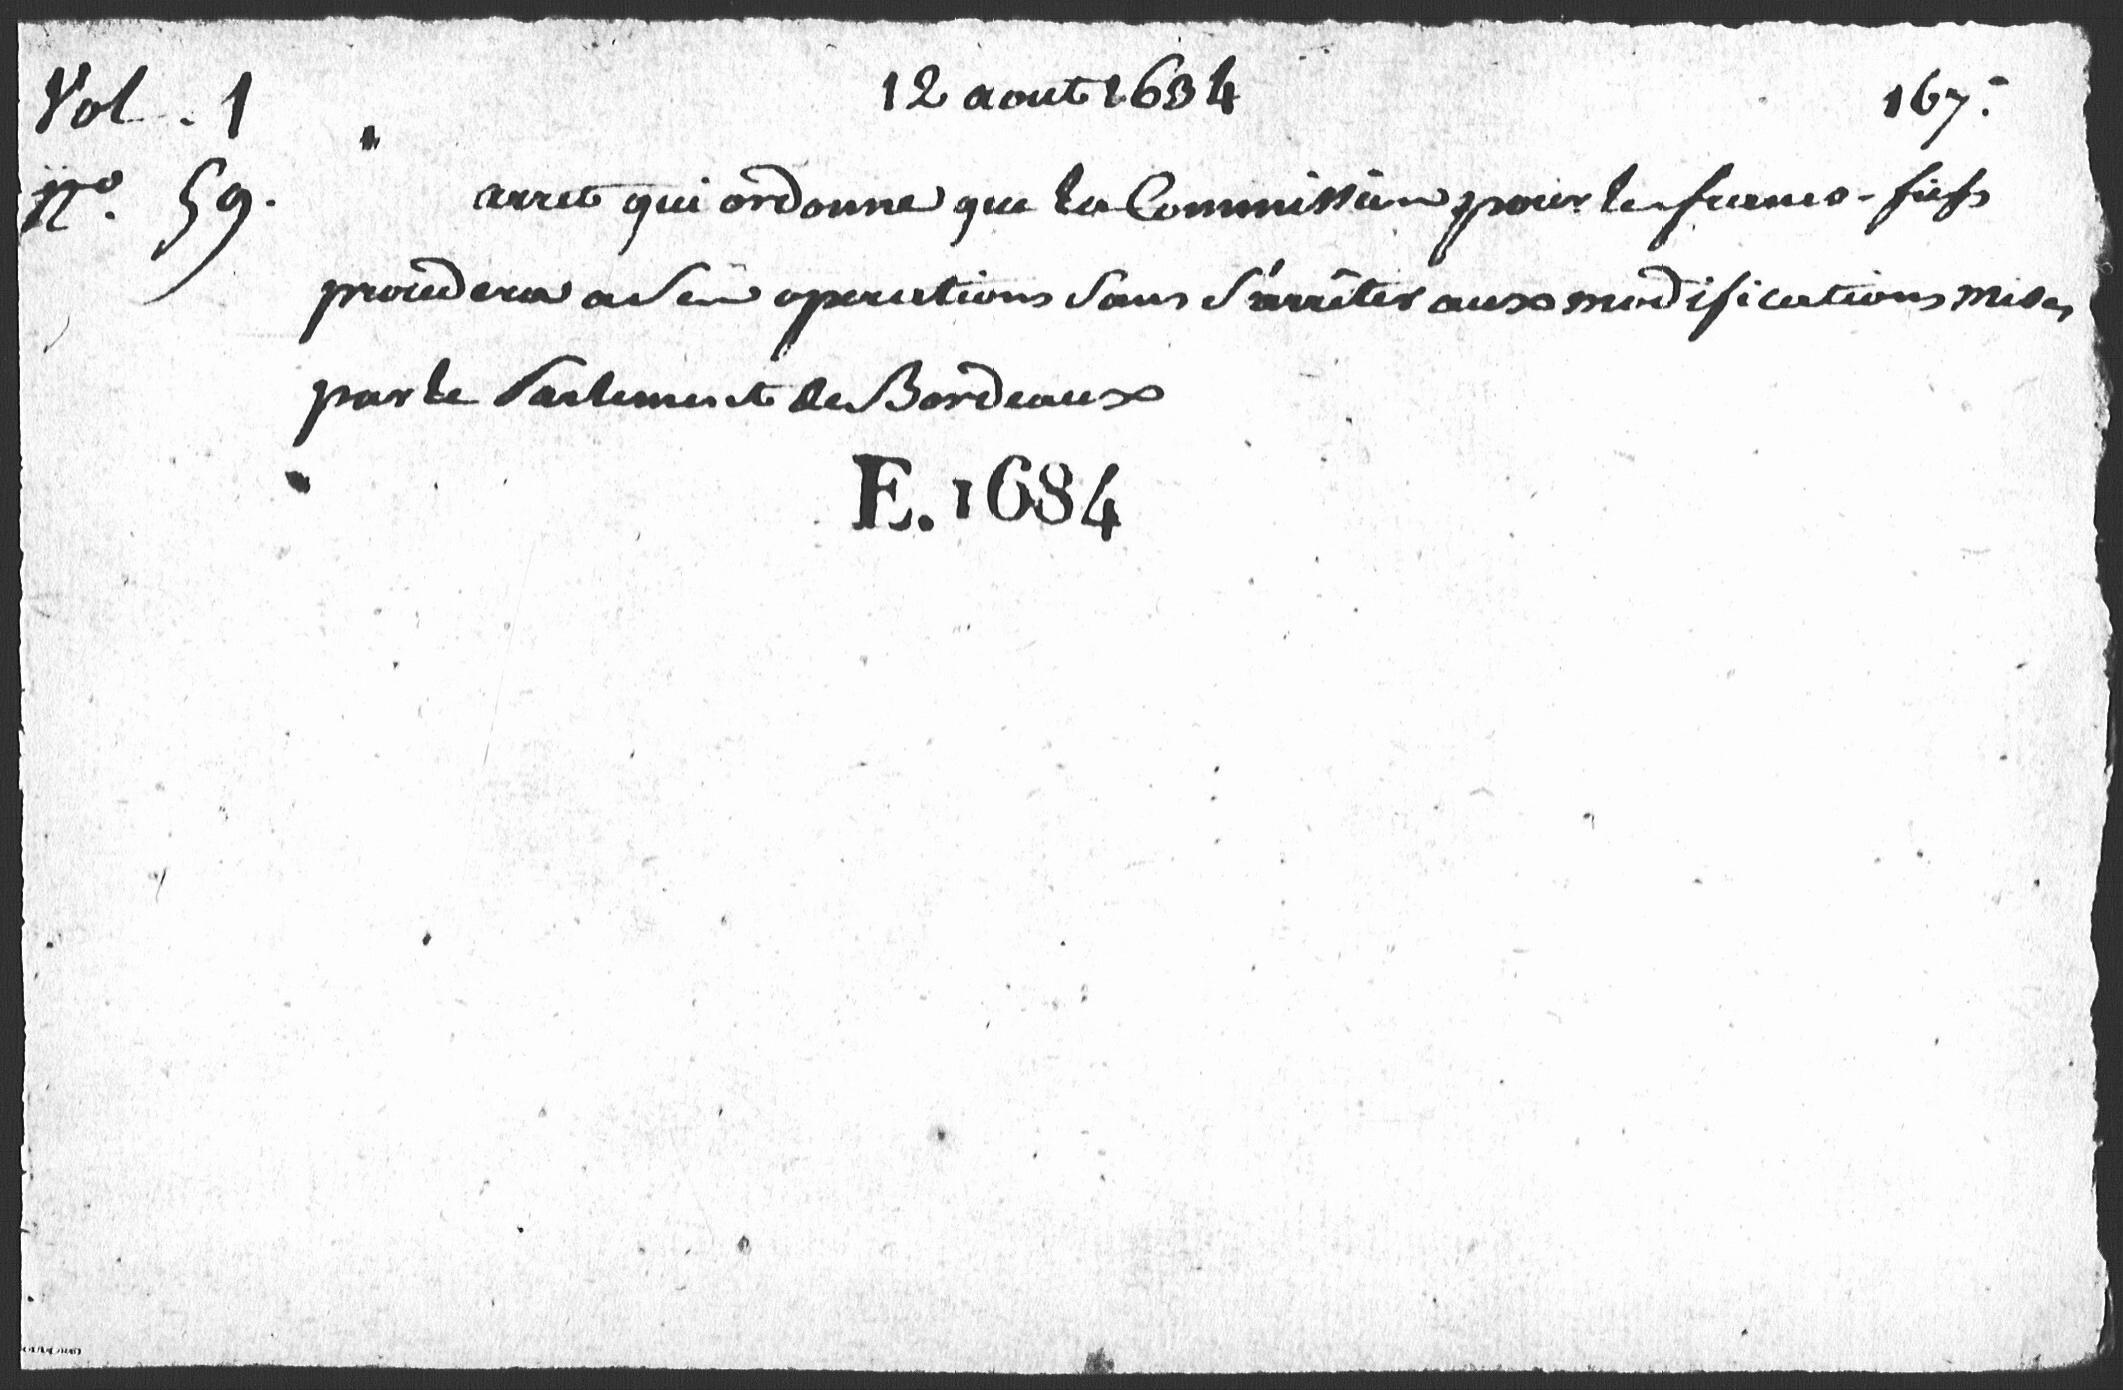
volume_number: n°59
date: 12 août 1634
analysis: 167
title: arret qui ordonne que la Commission pour les francs-fiefs procedera a ses operations sans s'arrêter aux modifications mises par le Parlement de Bordeaux
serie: E
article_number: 1684
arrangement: vol. 1
